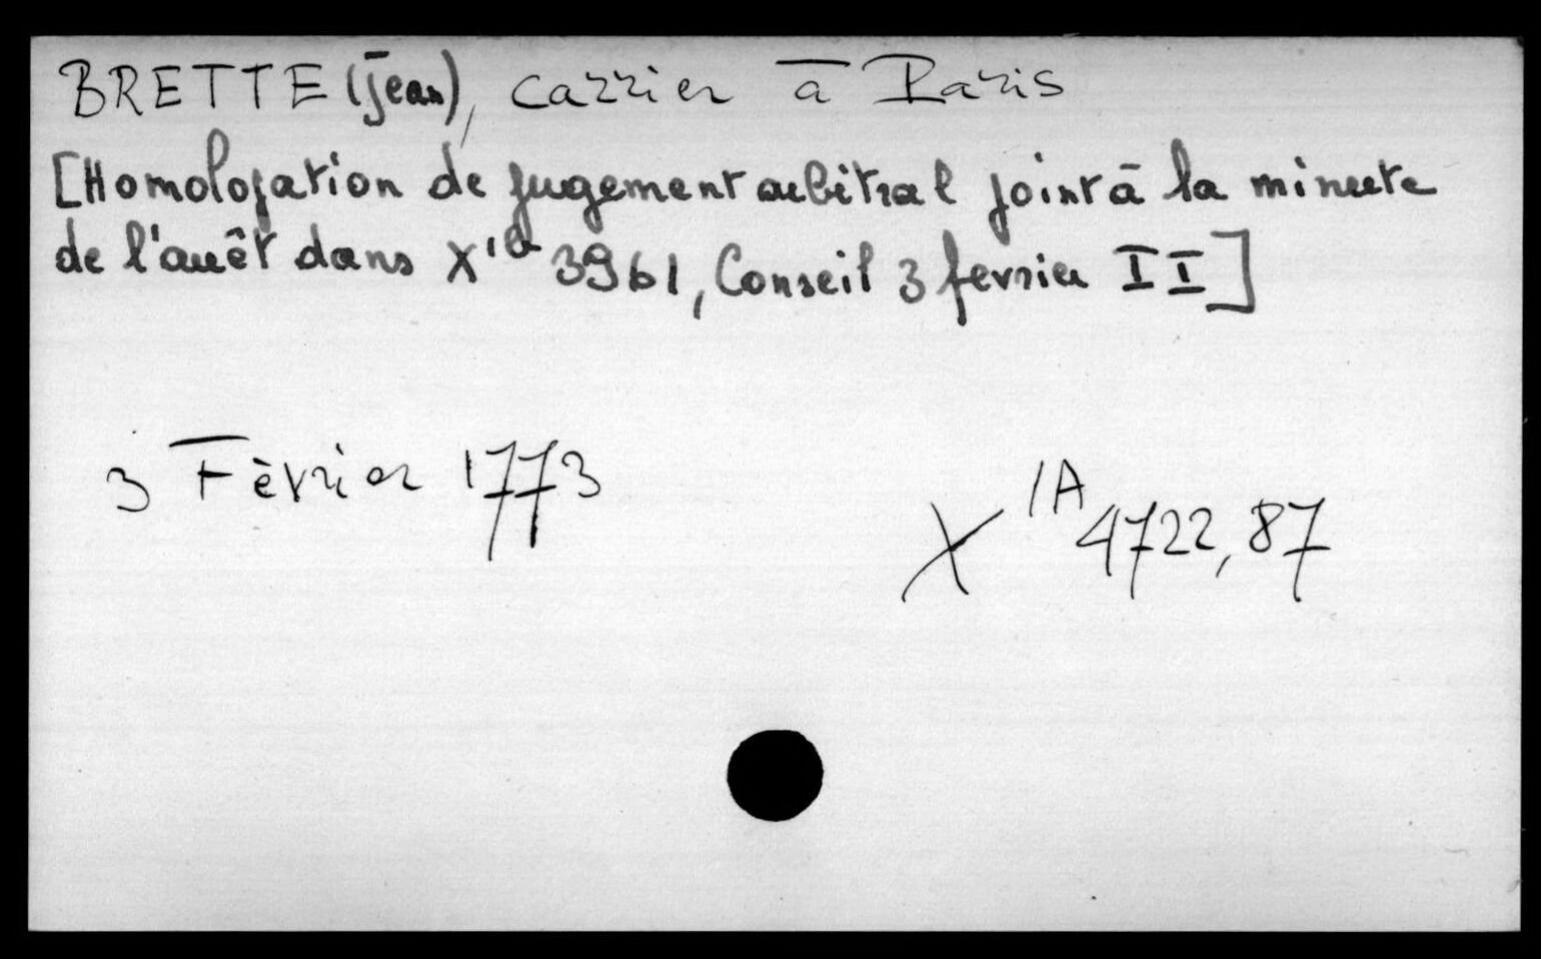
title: BRETTE (Jean), carrier à Paris [Homologation de jugement arbitral joint à la minute de l'arrêt dans X1b 3961, Conseil 3 février II]
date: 3 février 1773
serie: X1A
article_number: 4722
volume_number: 87
